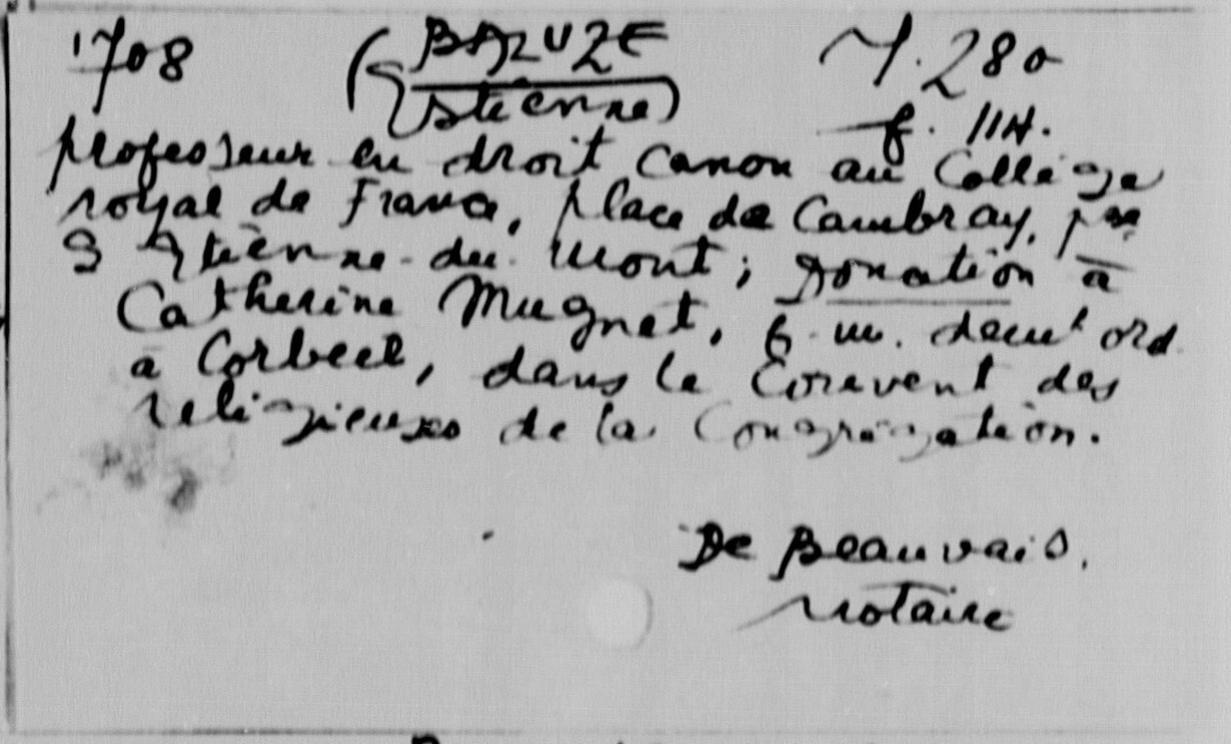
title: BALUZE (Estienne)
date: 1708
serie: Y
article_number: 280
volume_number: folio 114
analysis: professeur en droit canon au collège royal de France, place de Cambray, paroisse Saint-Etienne-du-Mont. Donation à Catherine MUGNET, fille majeure demeurant ordinairement à Corbeil, dans le Couvent des religieuses de la Congrégation. De Beauvais, notaire
